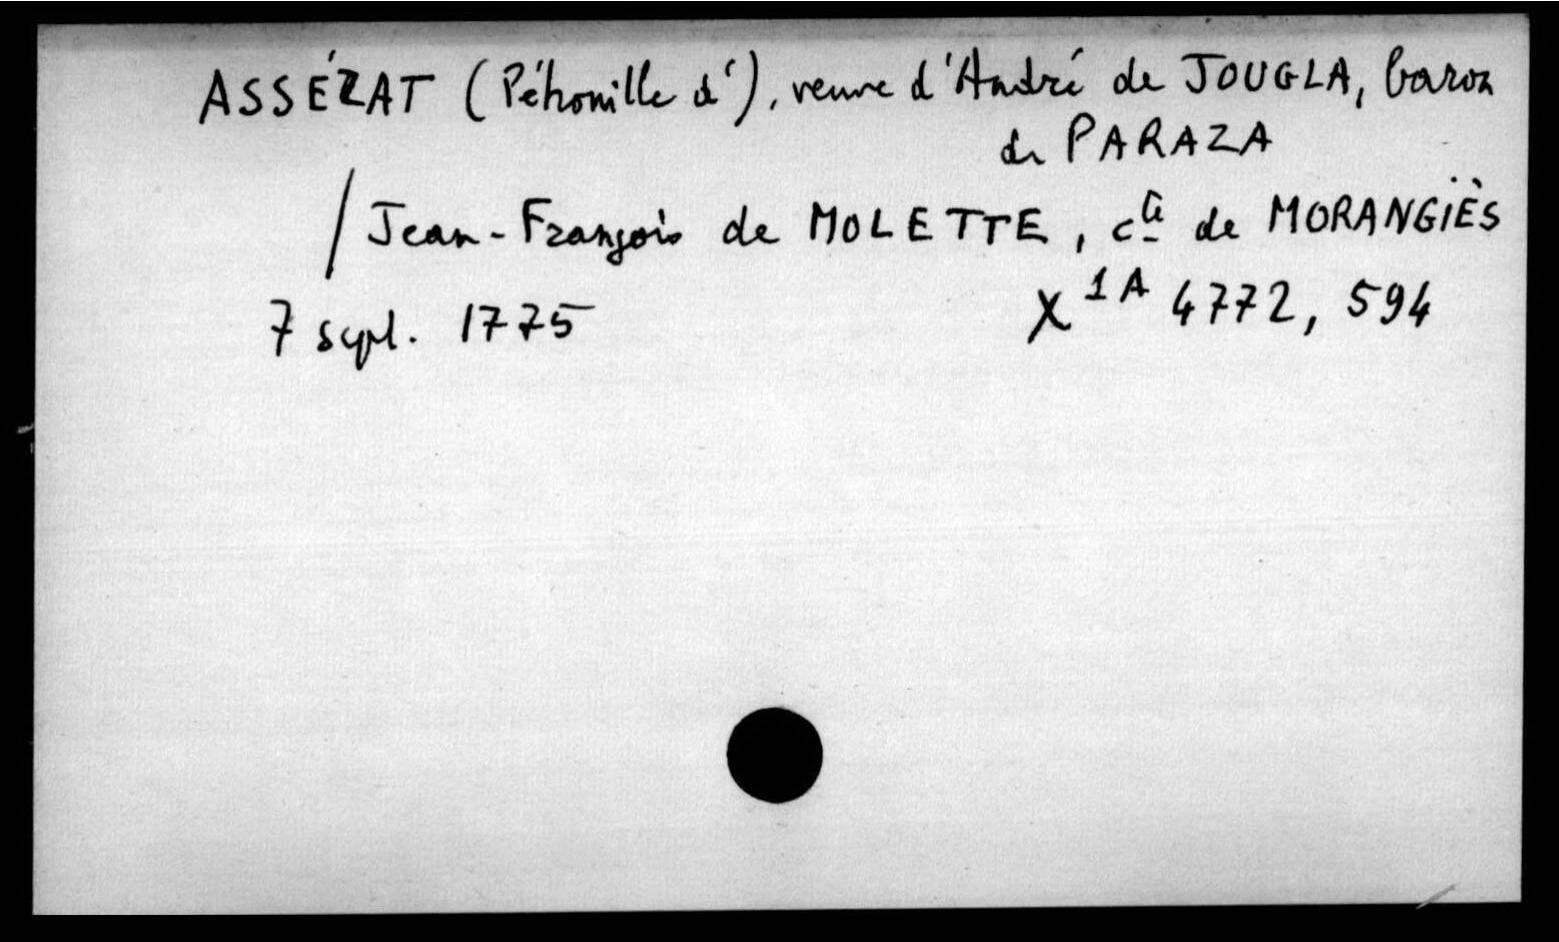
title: ASSÉZAT (Pétronille d'), veuve d'André de JOUGLA, baron de PARAZA
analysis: Contre Jean-François de MOLETTE, comte de MORANGIES
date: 7 septembre 1775
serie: X1A
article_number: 4772
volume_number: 594
